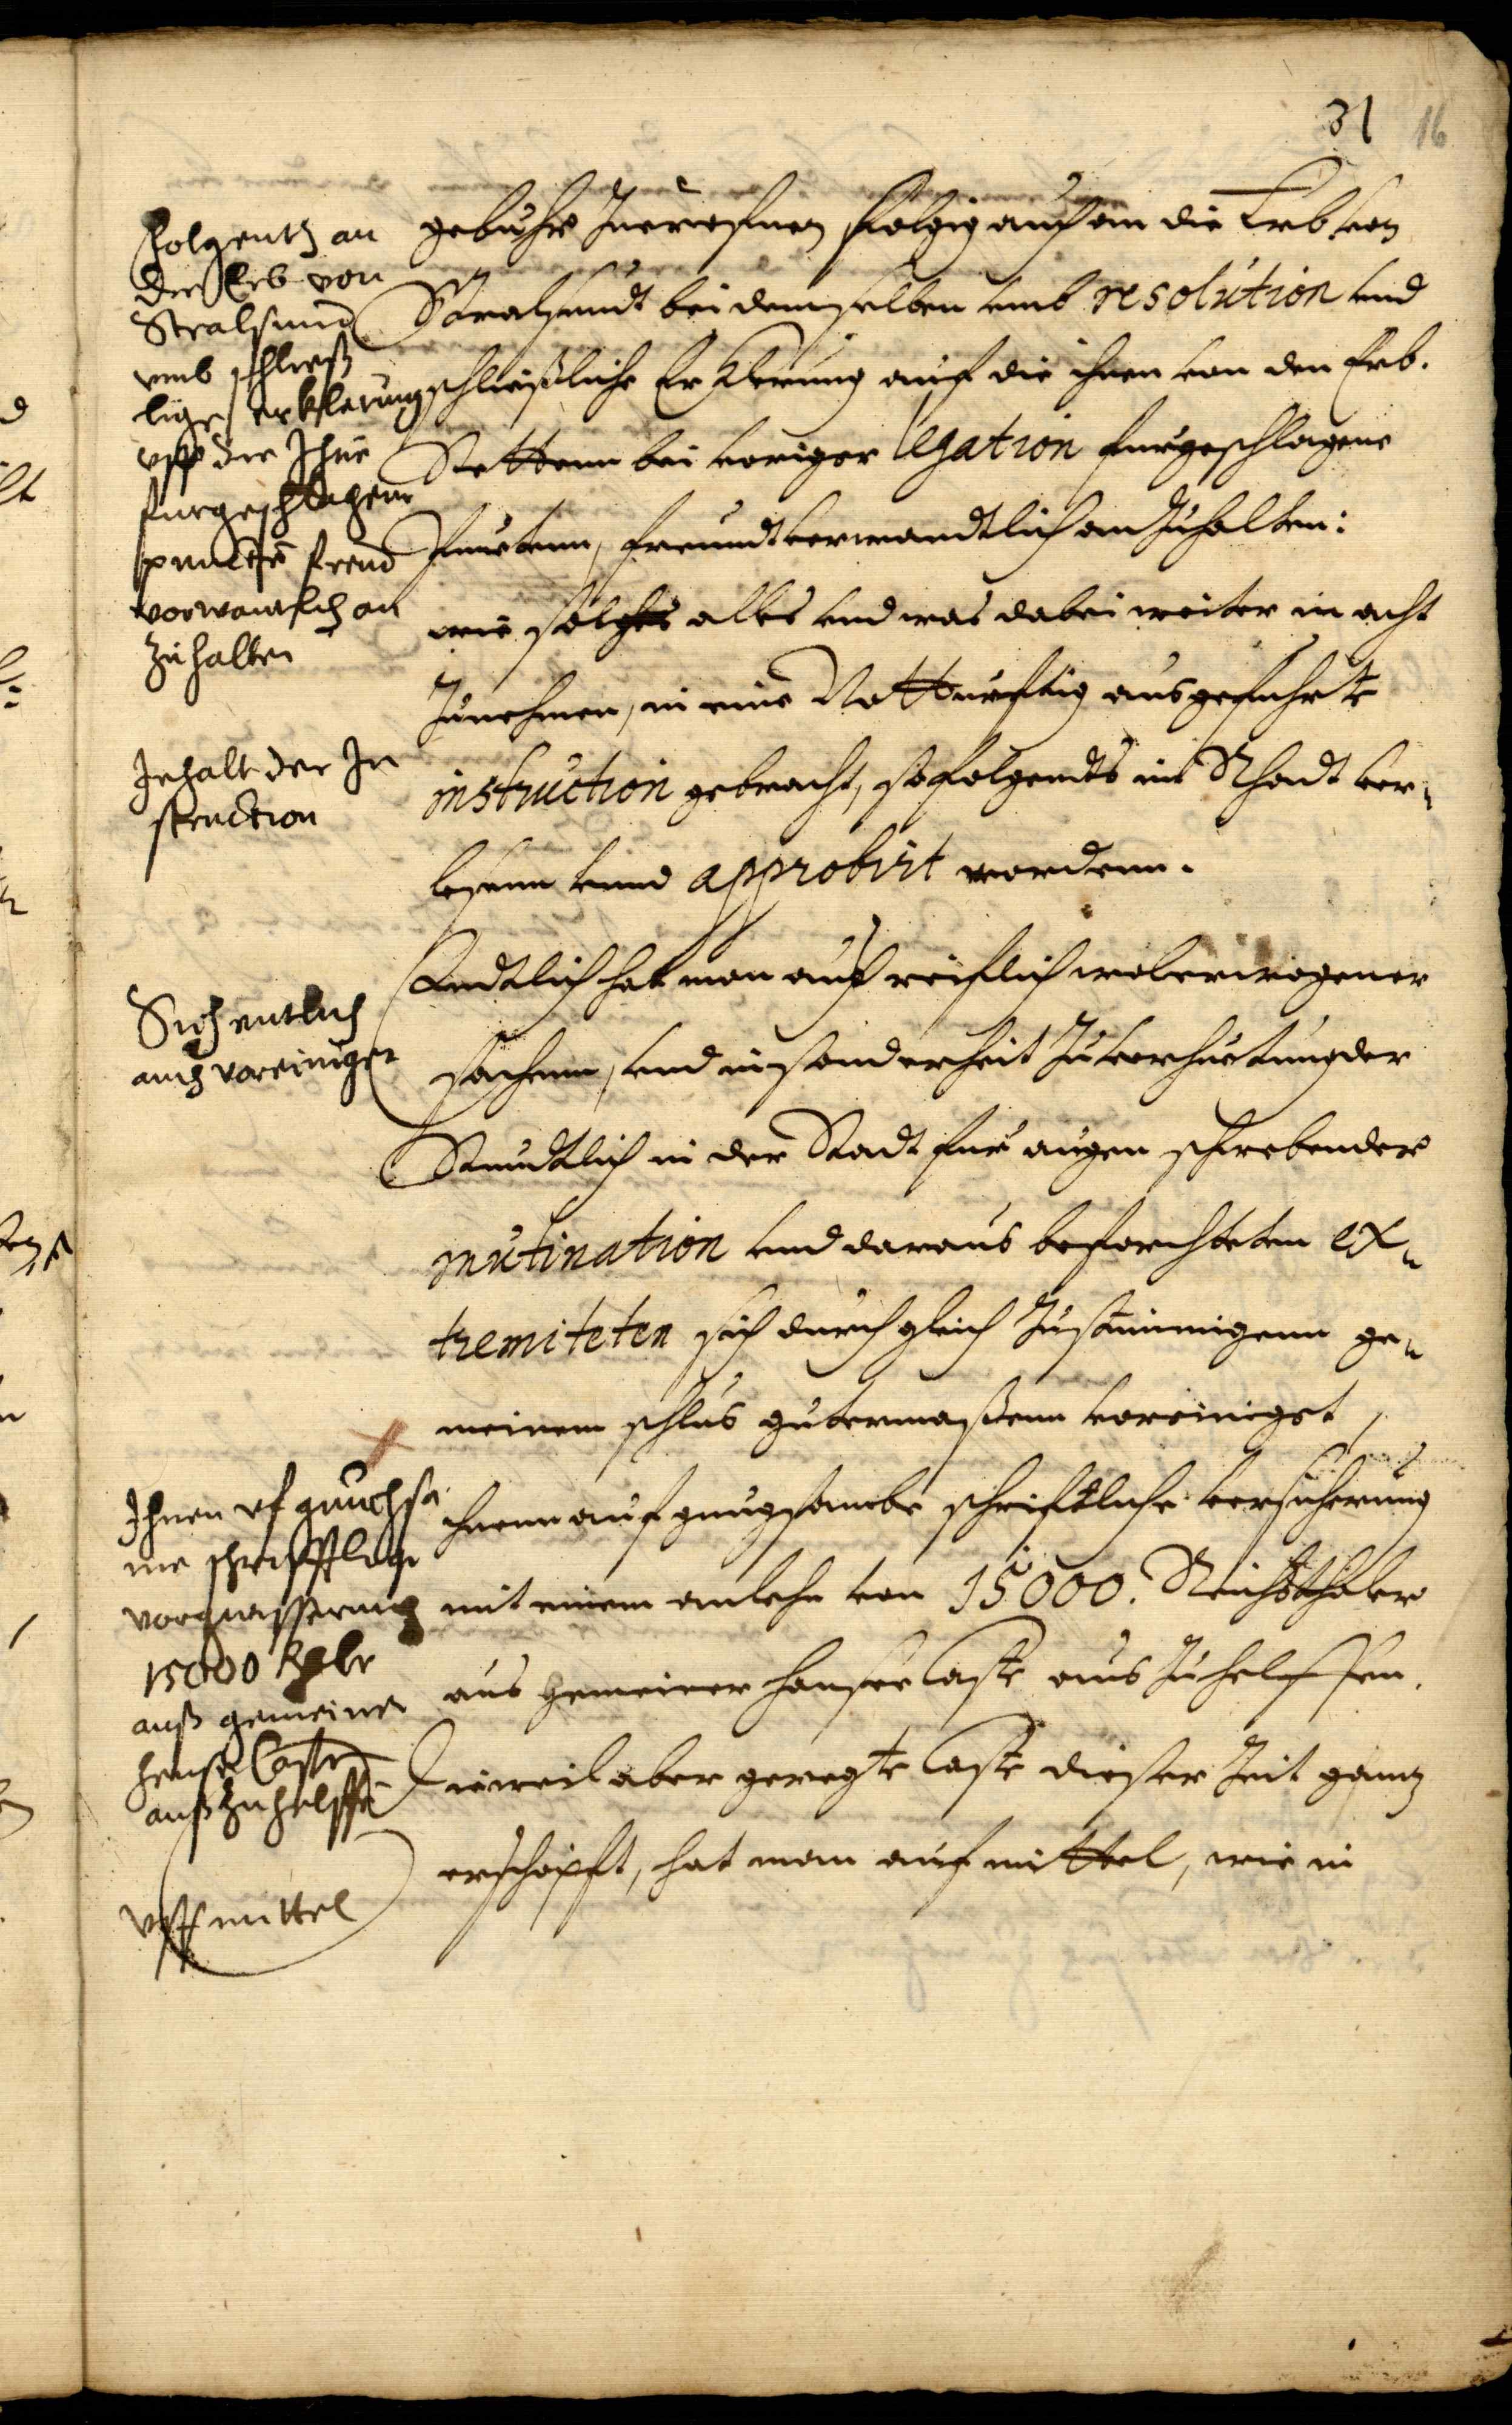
31
gebuhr zuerofnen folgig auch an die Erb.von
Stralsundt bei demselben vmb resolution vnd
schließliche Erklerung auf die ihnen von den Erb.
Stettenn bei voriger legation furgeschlagene
Punctenn, freundtverwandtlich anzuhalten:
wie solches alles vnd was dabei weiter in acht
zunehmen, in eine Notturftig ausgefuhrte
instruction gebracht, so folgendts im Rhadt vor¬
lesenn vnnd approbirt wordenn.
folgentz an
die Erb von
Stralsund
vmb schließ
ligen erklarung
vff die Ihnen
furgeschlagene
puncten freud
vorwantlich an
zuhalten
Inhalt der In
struction
Endtlich hat man auch reiflich wolerwogener
sachenn, vnd insonderheit zu verhuetung der
Stundtlich in der Stadt fur augen schwebender
mutination vnd daraus beforchteten ex¬
tremiteten sich durch gleich zustimmigenn ge¬
meinem schlus gutermaßenn voreiniget,
ihnenn auf gnugsambe schriftliche versicherung
mit einem anlehn von 15000. Reichsthaler
aus gemeiner hansee Caste aus zuhelffen.
Dieweil aber geregte Caste dieser zeit gantz
erschopft, hat man auf mittel, wie in
Sich entlich
auch voreiniget
Ihnen vf gnuchsa
me schrifftlien
vorgwisserung
15000 Rhlr
auß gemeinen
hense Caste
außzuhelffen
vff mittel
